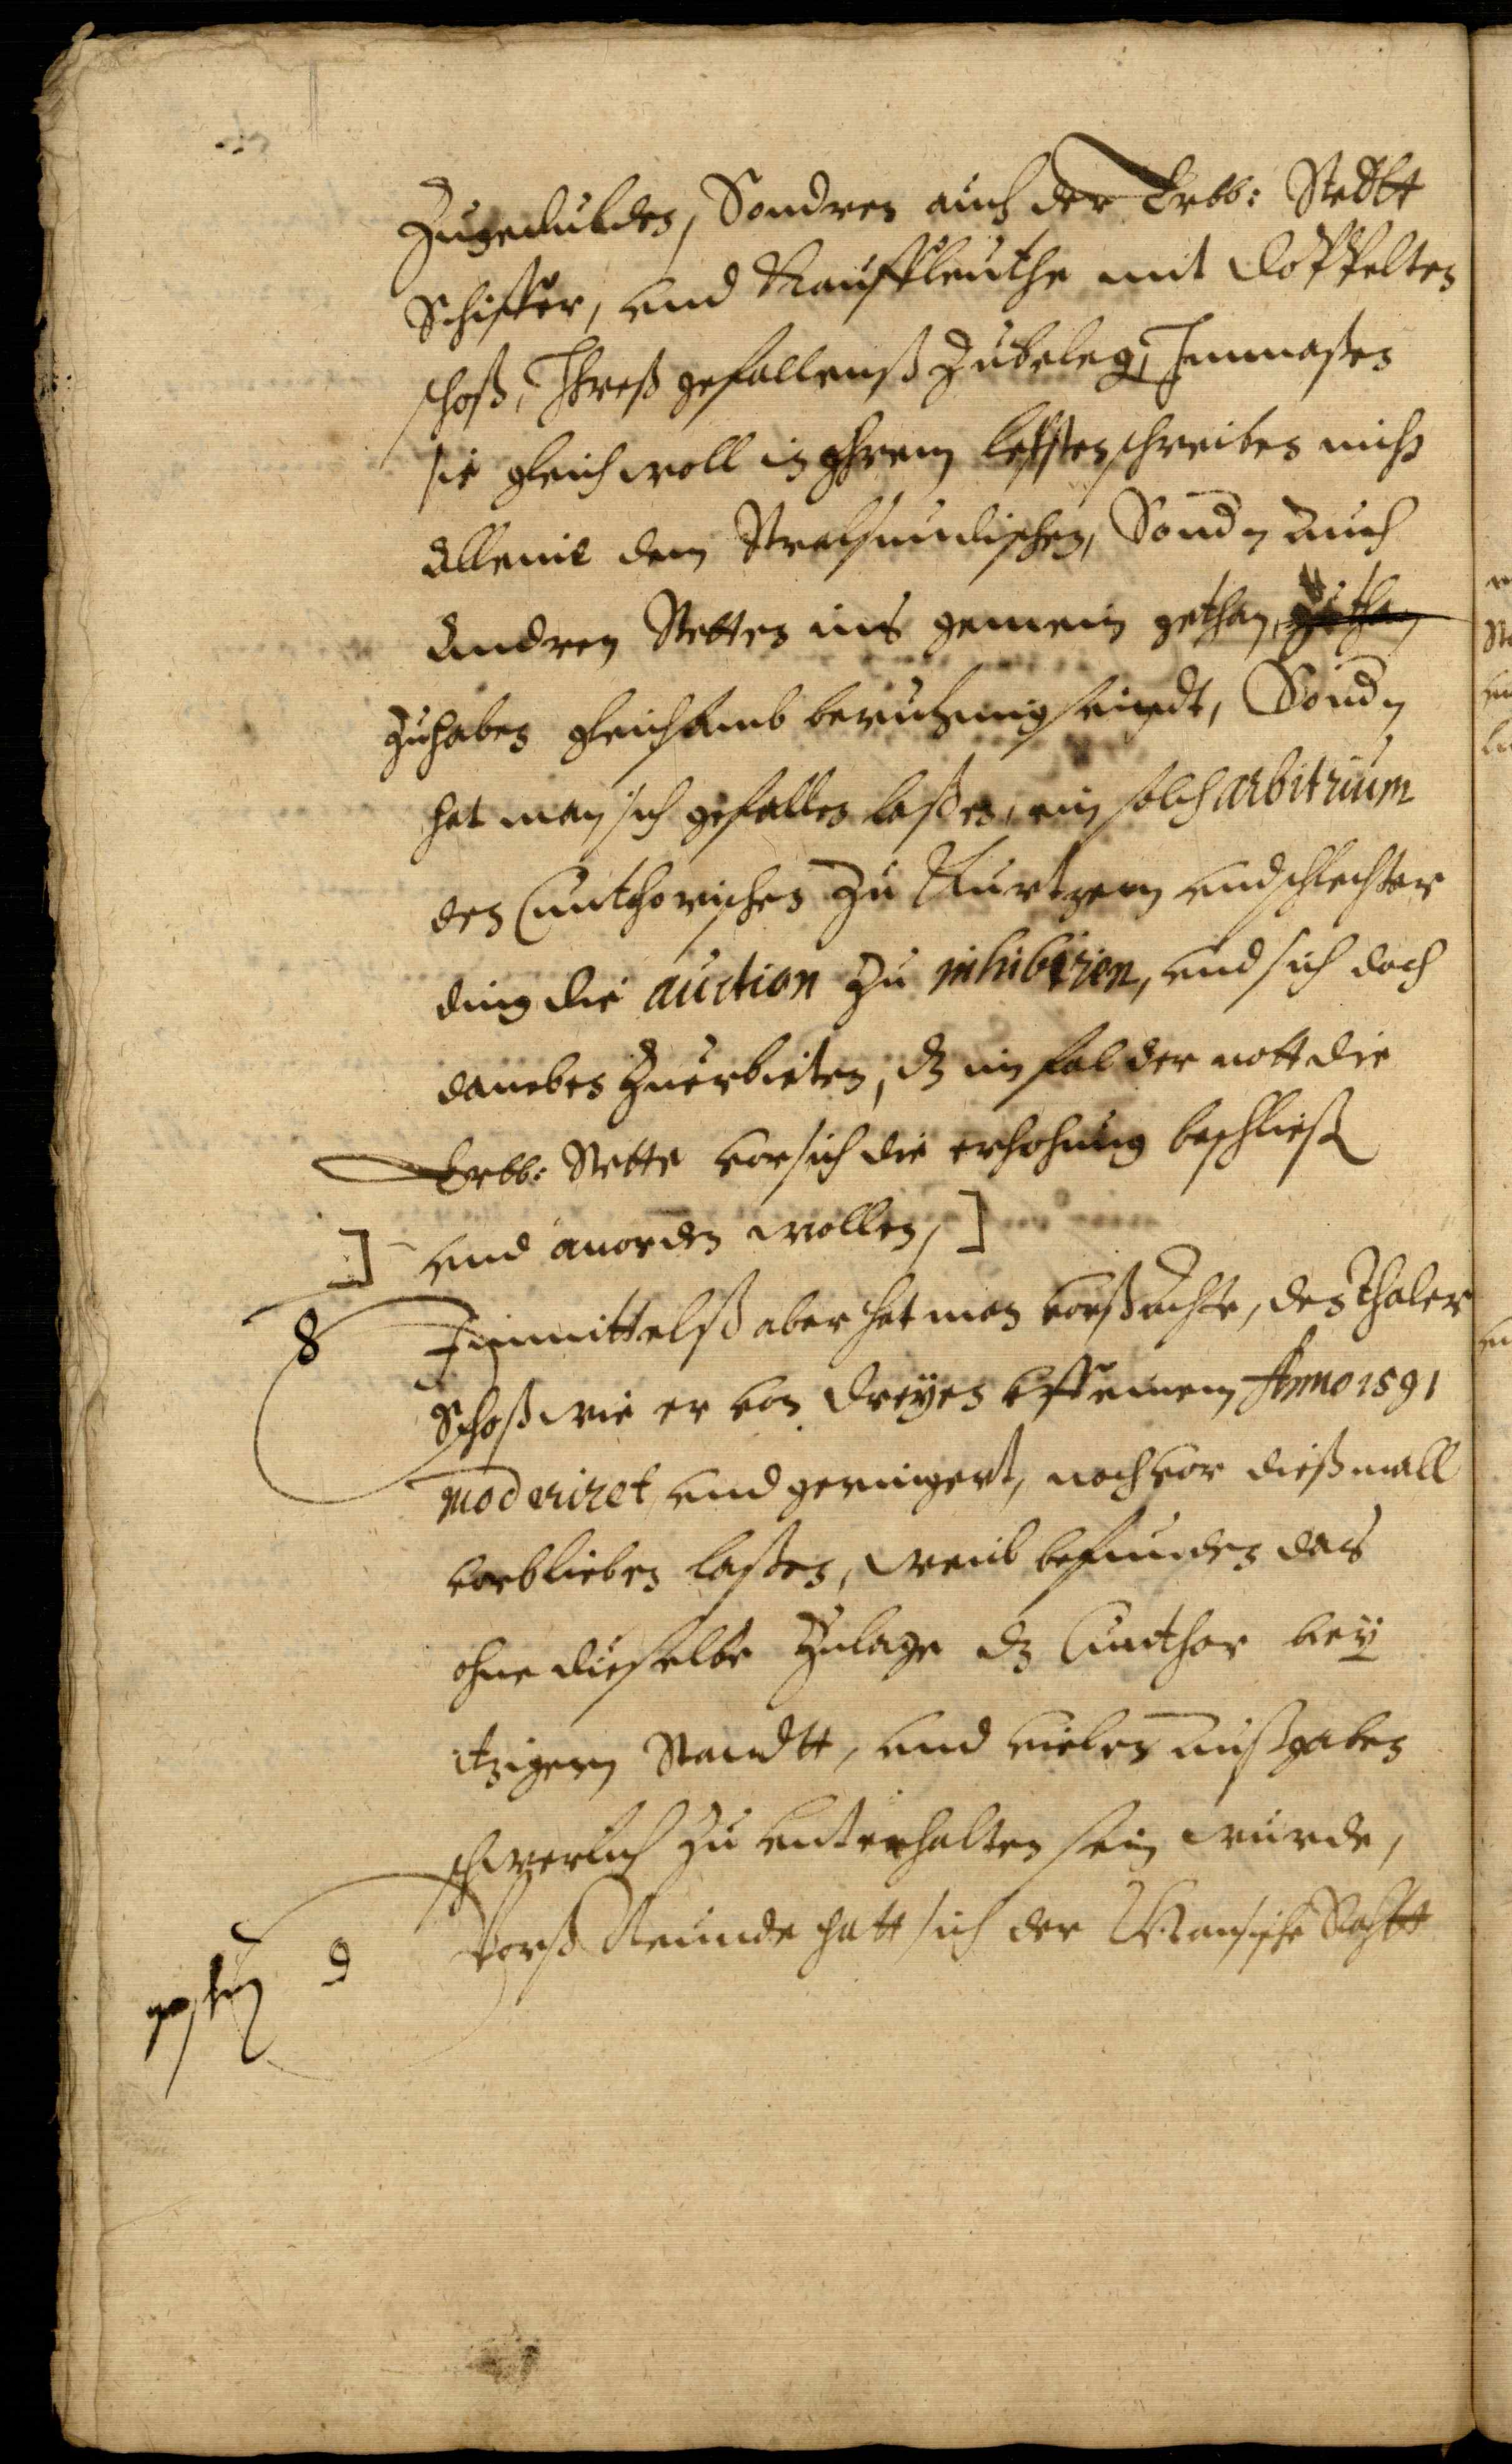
zugedulden, Sondern auch der Erbb:Stedtt
Schiffer, vnd Kauffleuthe mit doppelten
schoß, Ihreß gefallenß zubelegen, Inmaßen
sie gleichwoll in ihrem letsten schreiben nicht
Alleine dem Stralsundischen, Sondern Auch
Andren Stetten ins gemein gethan, Zuthun
zuhaben gleichsamb beruhung seindt, Sondern
hat man sich gefallen laßen, ein solch arbitrium
den Cunthorischen zu Kurtzem vnd schlechter
ding die auction zu inhibiren, vnd sich doch
daneben zuerbieten, das im fal der nott die
Erbb: Stette vor sich die erhohung beschließen
] vnd anorden wollen ]
8
Inmittelß aber hat man vorß Achte, den thaler
Schoß wie er von dreijen vff einem Anno 1591
moderiret vnd geringert, noch vor dießmall
verblieben laßen, weil befunden das
ohne dieselbe zulage das Cunthor beij
itzigem Standtt, vnd vielen Außgaben
schwerlich zu unterhalten sein wurde,
Vorß Neunde hatt sich der Hansische Rahtt
pstij 9
